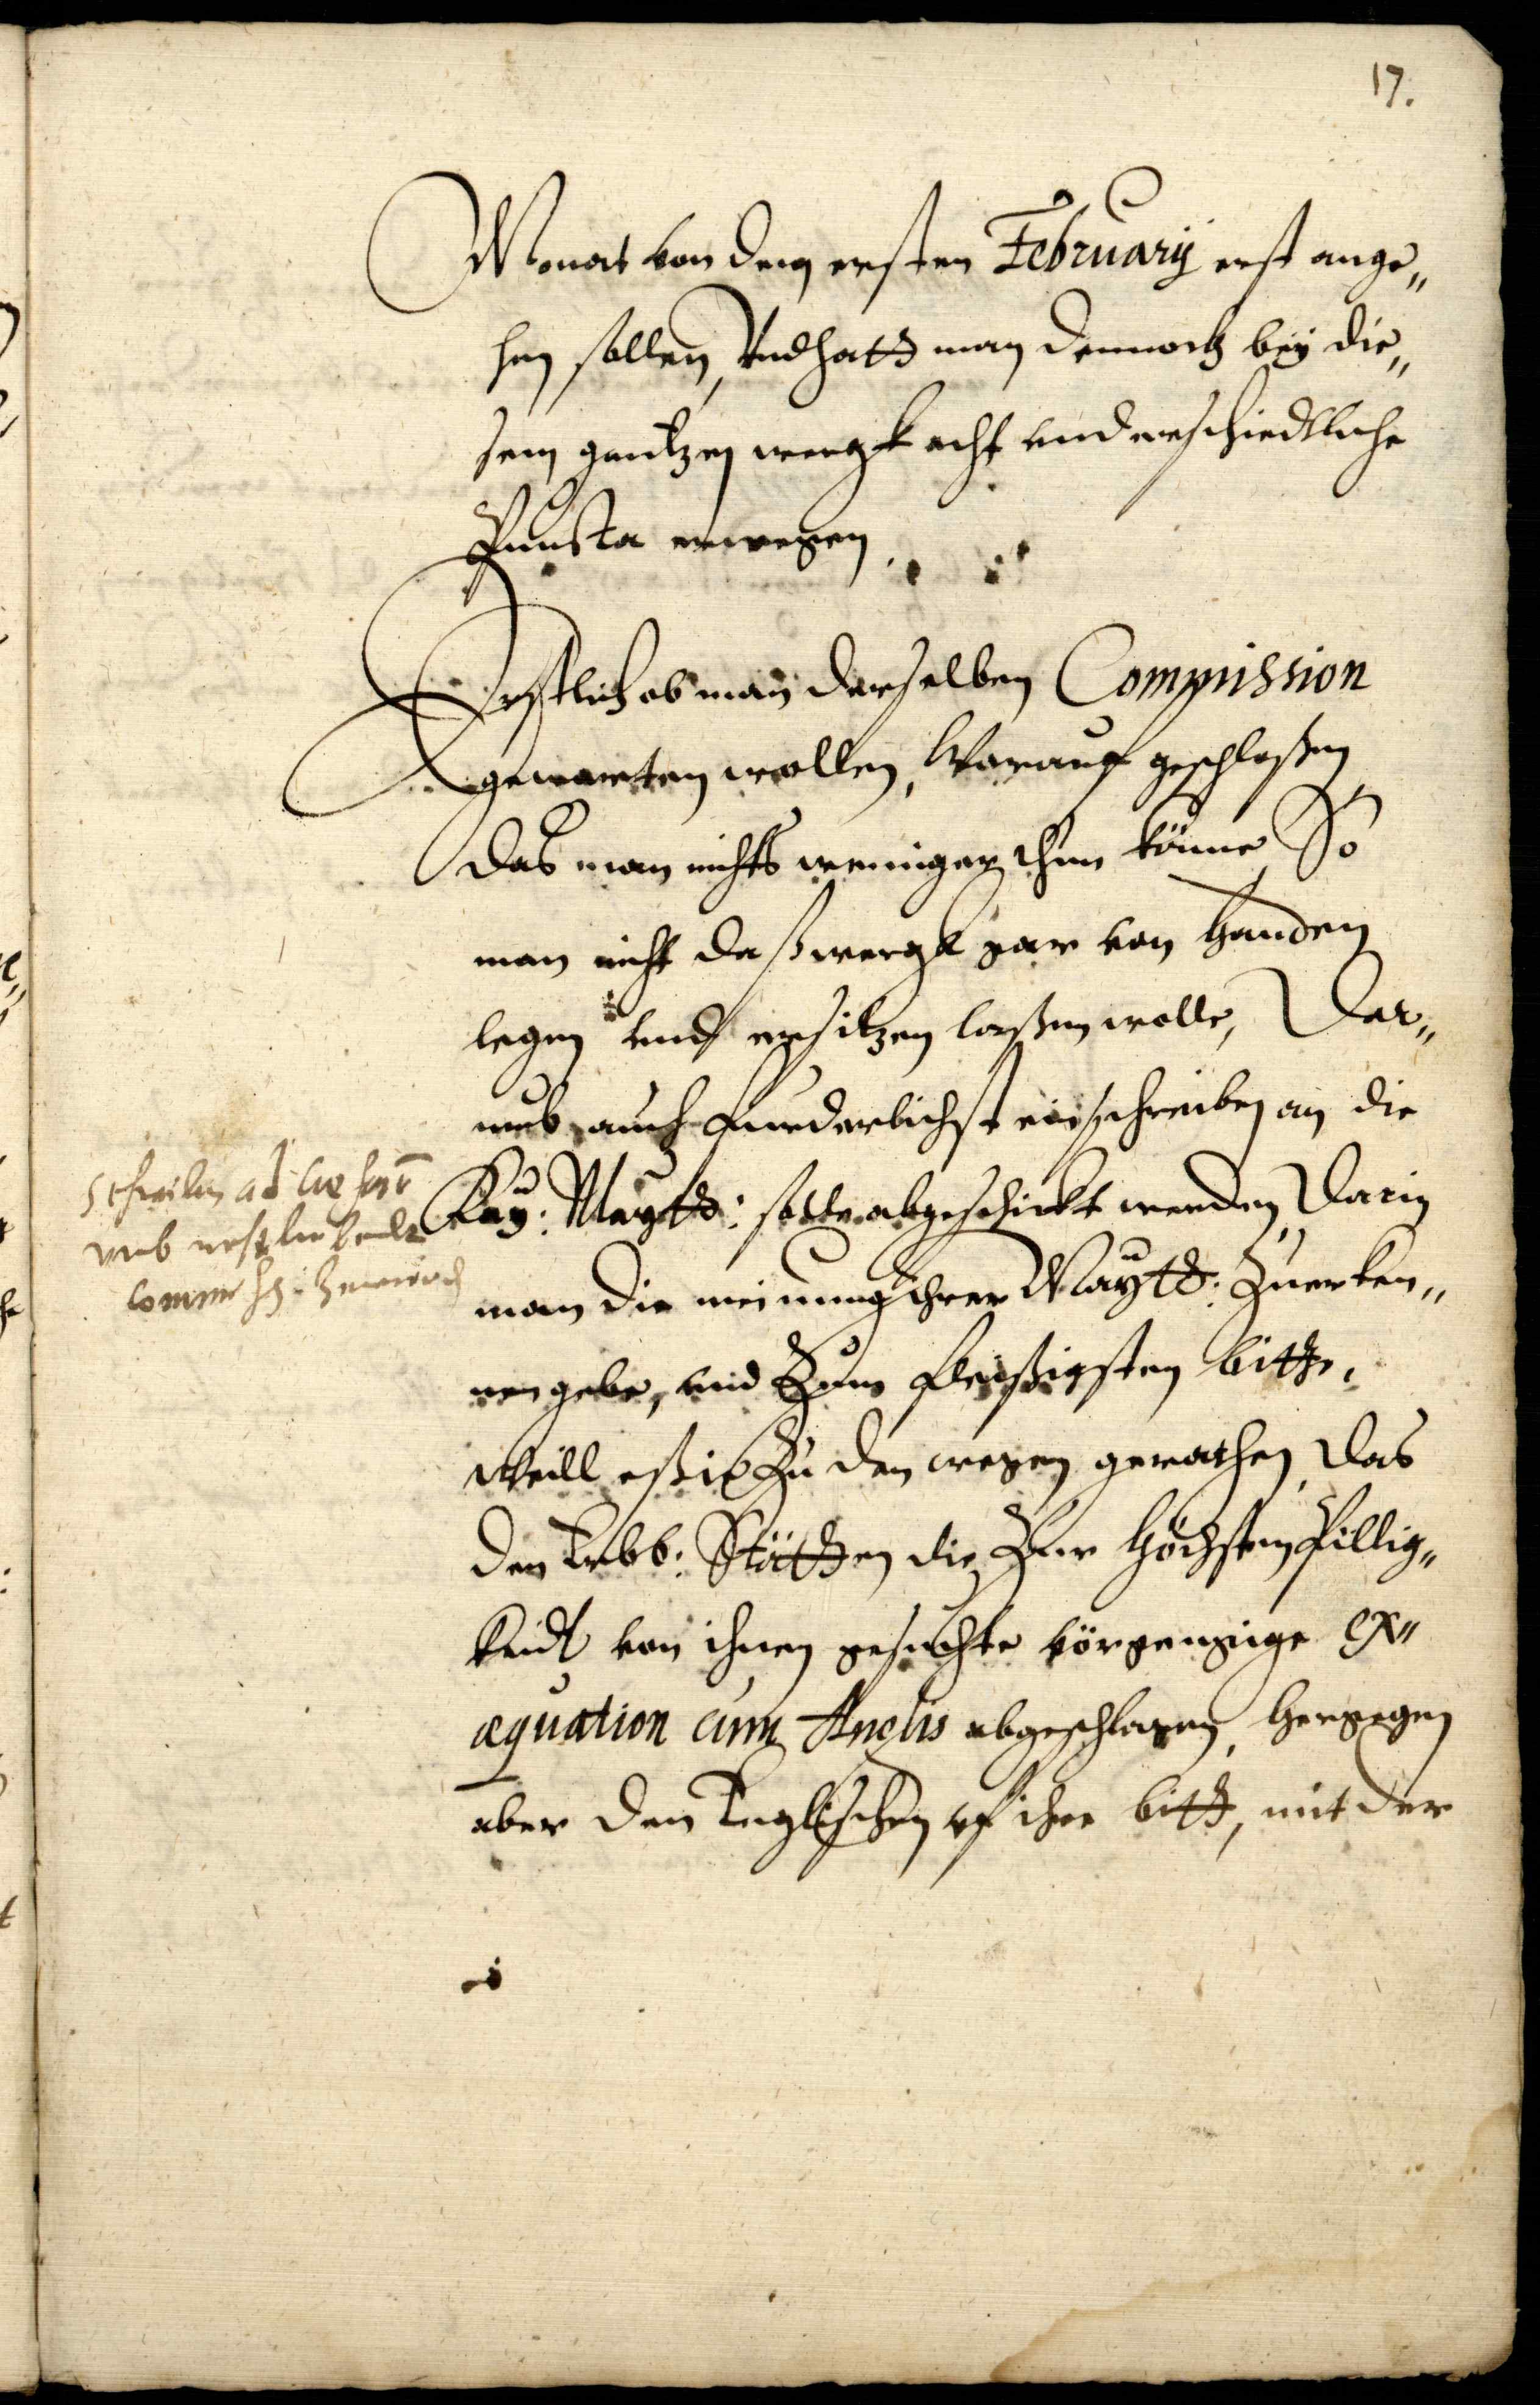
17.
Monat von dem ersten Februarij erst ange¬
hen sollen, Vnd hatt man dennoch beij die¬
sem gantzen wergk acht vnderschiedtliche
Puncta erwegen
Erstlich ob man derselben Commission
gewarten wollen, worauf geschloßen,
das man nichts weiniger thun könne, So
man nicht daß wergk gar von handen
legen vndt ersitzen laßen wolle, Dar¬
umb auch furderlichst ein schreiben an die
Kaij: Maytt: solle abgeschickt werden, darin
man die meinung ihrer Maijtt: zuerken¬
nen gebe, vnd Zum fleißigsten bitte,
weill eß ie zu den wegen gerathen, das
den Erbb: Stätten die zur höchsten Pillig¬
keidt von ihnen gesuchte vörgengige ex¬
aequation cum Anglis abgeschlagen, hergegen
aber den Englischen vf ihre bitt, mit der
i
Schreiben ad Cuthorn
vmb rechtliebende
commiss. zuereichen
